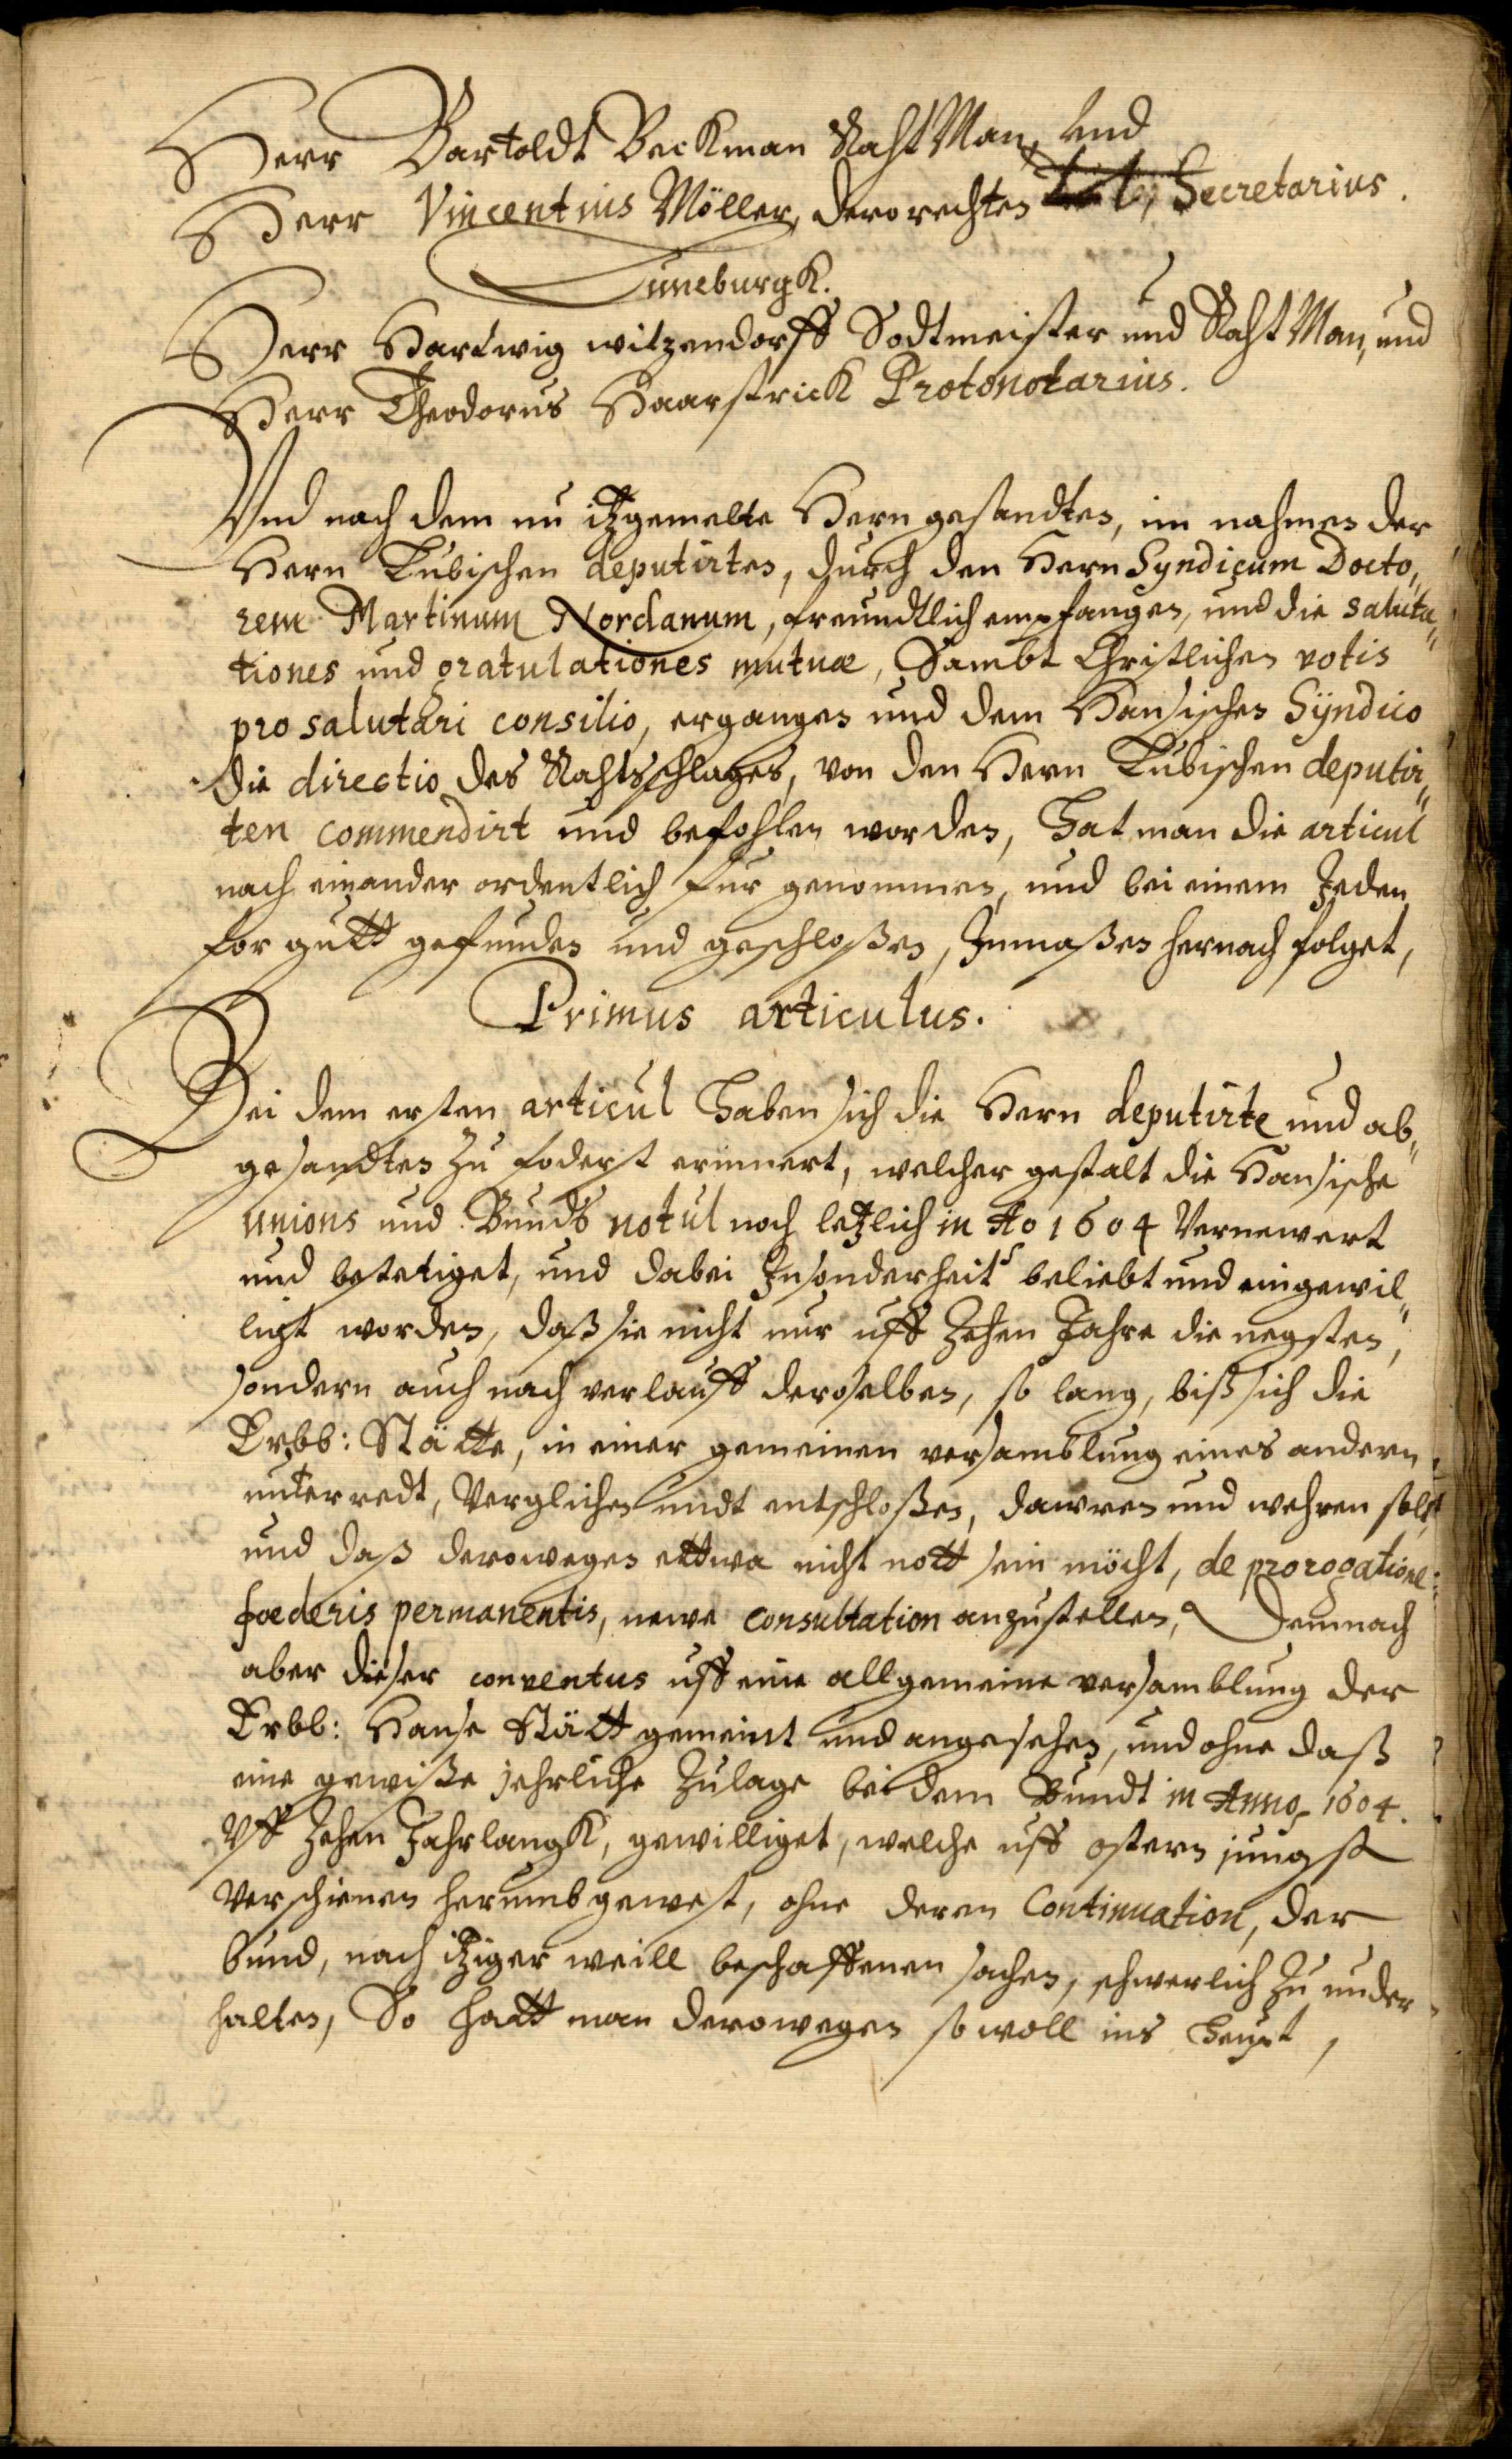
Herr Bartoldt Beckman Raht Man vnd
Herr Vincentius Möller, dero rechten Laten Secretarius.
Luneburgk.
Herr Hartwig witzendorff Sodtmeister und Raht Man,und
Herr Theodorus Haarstrick Protonotarius.
Vnd nach dem nu itzgemelte Hern gesandten, im nahmen der
Hern Lubischen deputirten, durch den Hern Syndicum Docto¬
rem Martinum Nordanum, freundtlich empfangen, und die saluta¬
tionis und gratulationes mutuae, Sambt Christlichen votis
pro salutari consilio, ergangen und dem Hansischen Sijndico
die directio des Rahtsschlages, von den Hern Lubischen deputir¬
ten commendirt und befohlen worden, hat man die articul
nach einander ordentlich fur genommen, und bei einem Jeden
for gutt gefunden und geschloßen, Inmaßen hernach folget,
Primus articulus.
Bei dem ersten articul haben sich die Hern deputirte und ab¬
gesandten zu foderst erinnert, welcher gestalt die Hansische
unions und Bunds notul noch letzlich in Ao 1604 Vernewert
und bestetiget, und dabei Insonderheit beliebt vnd eingewil¬
ligt worden, daß sie nicht nur uff Zehen Jahre die negsten,
sondern auch nach verlauff deroselben, so lang, biß sich die
Erbb: Stätte, in einer gemeinen versamblung eines andern
unterredt, verglichen undt entschloßen, dawren und wehren solt
und daß derowegen ettwa nicht nott sein möcht, de prorogatione
foederis permanentis, newe consultation anzustellen, Demnach
aber dieser conventus uff eine allgemeine versamblung der
Erbb: Hanse Stätt gemeint vnd angesehen, und ohne daß
eine gewise jehrliche Zulage bei dem Bundt in Anno p 1604.
vff Zehen Jahrlangk, gewilliget, welche uff ostern jungst
Verschienen herumb gewest, ohne deren Continuation, der
bund, nach itziger weill beschaffenen sachen, schwerlich zu under¬
halten, So hatt man derowegen sowoll ins haupt,
